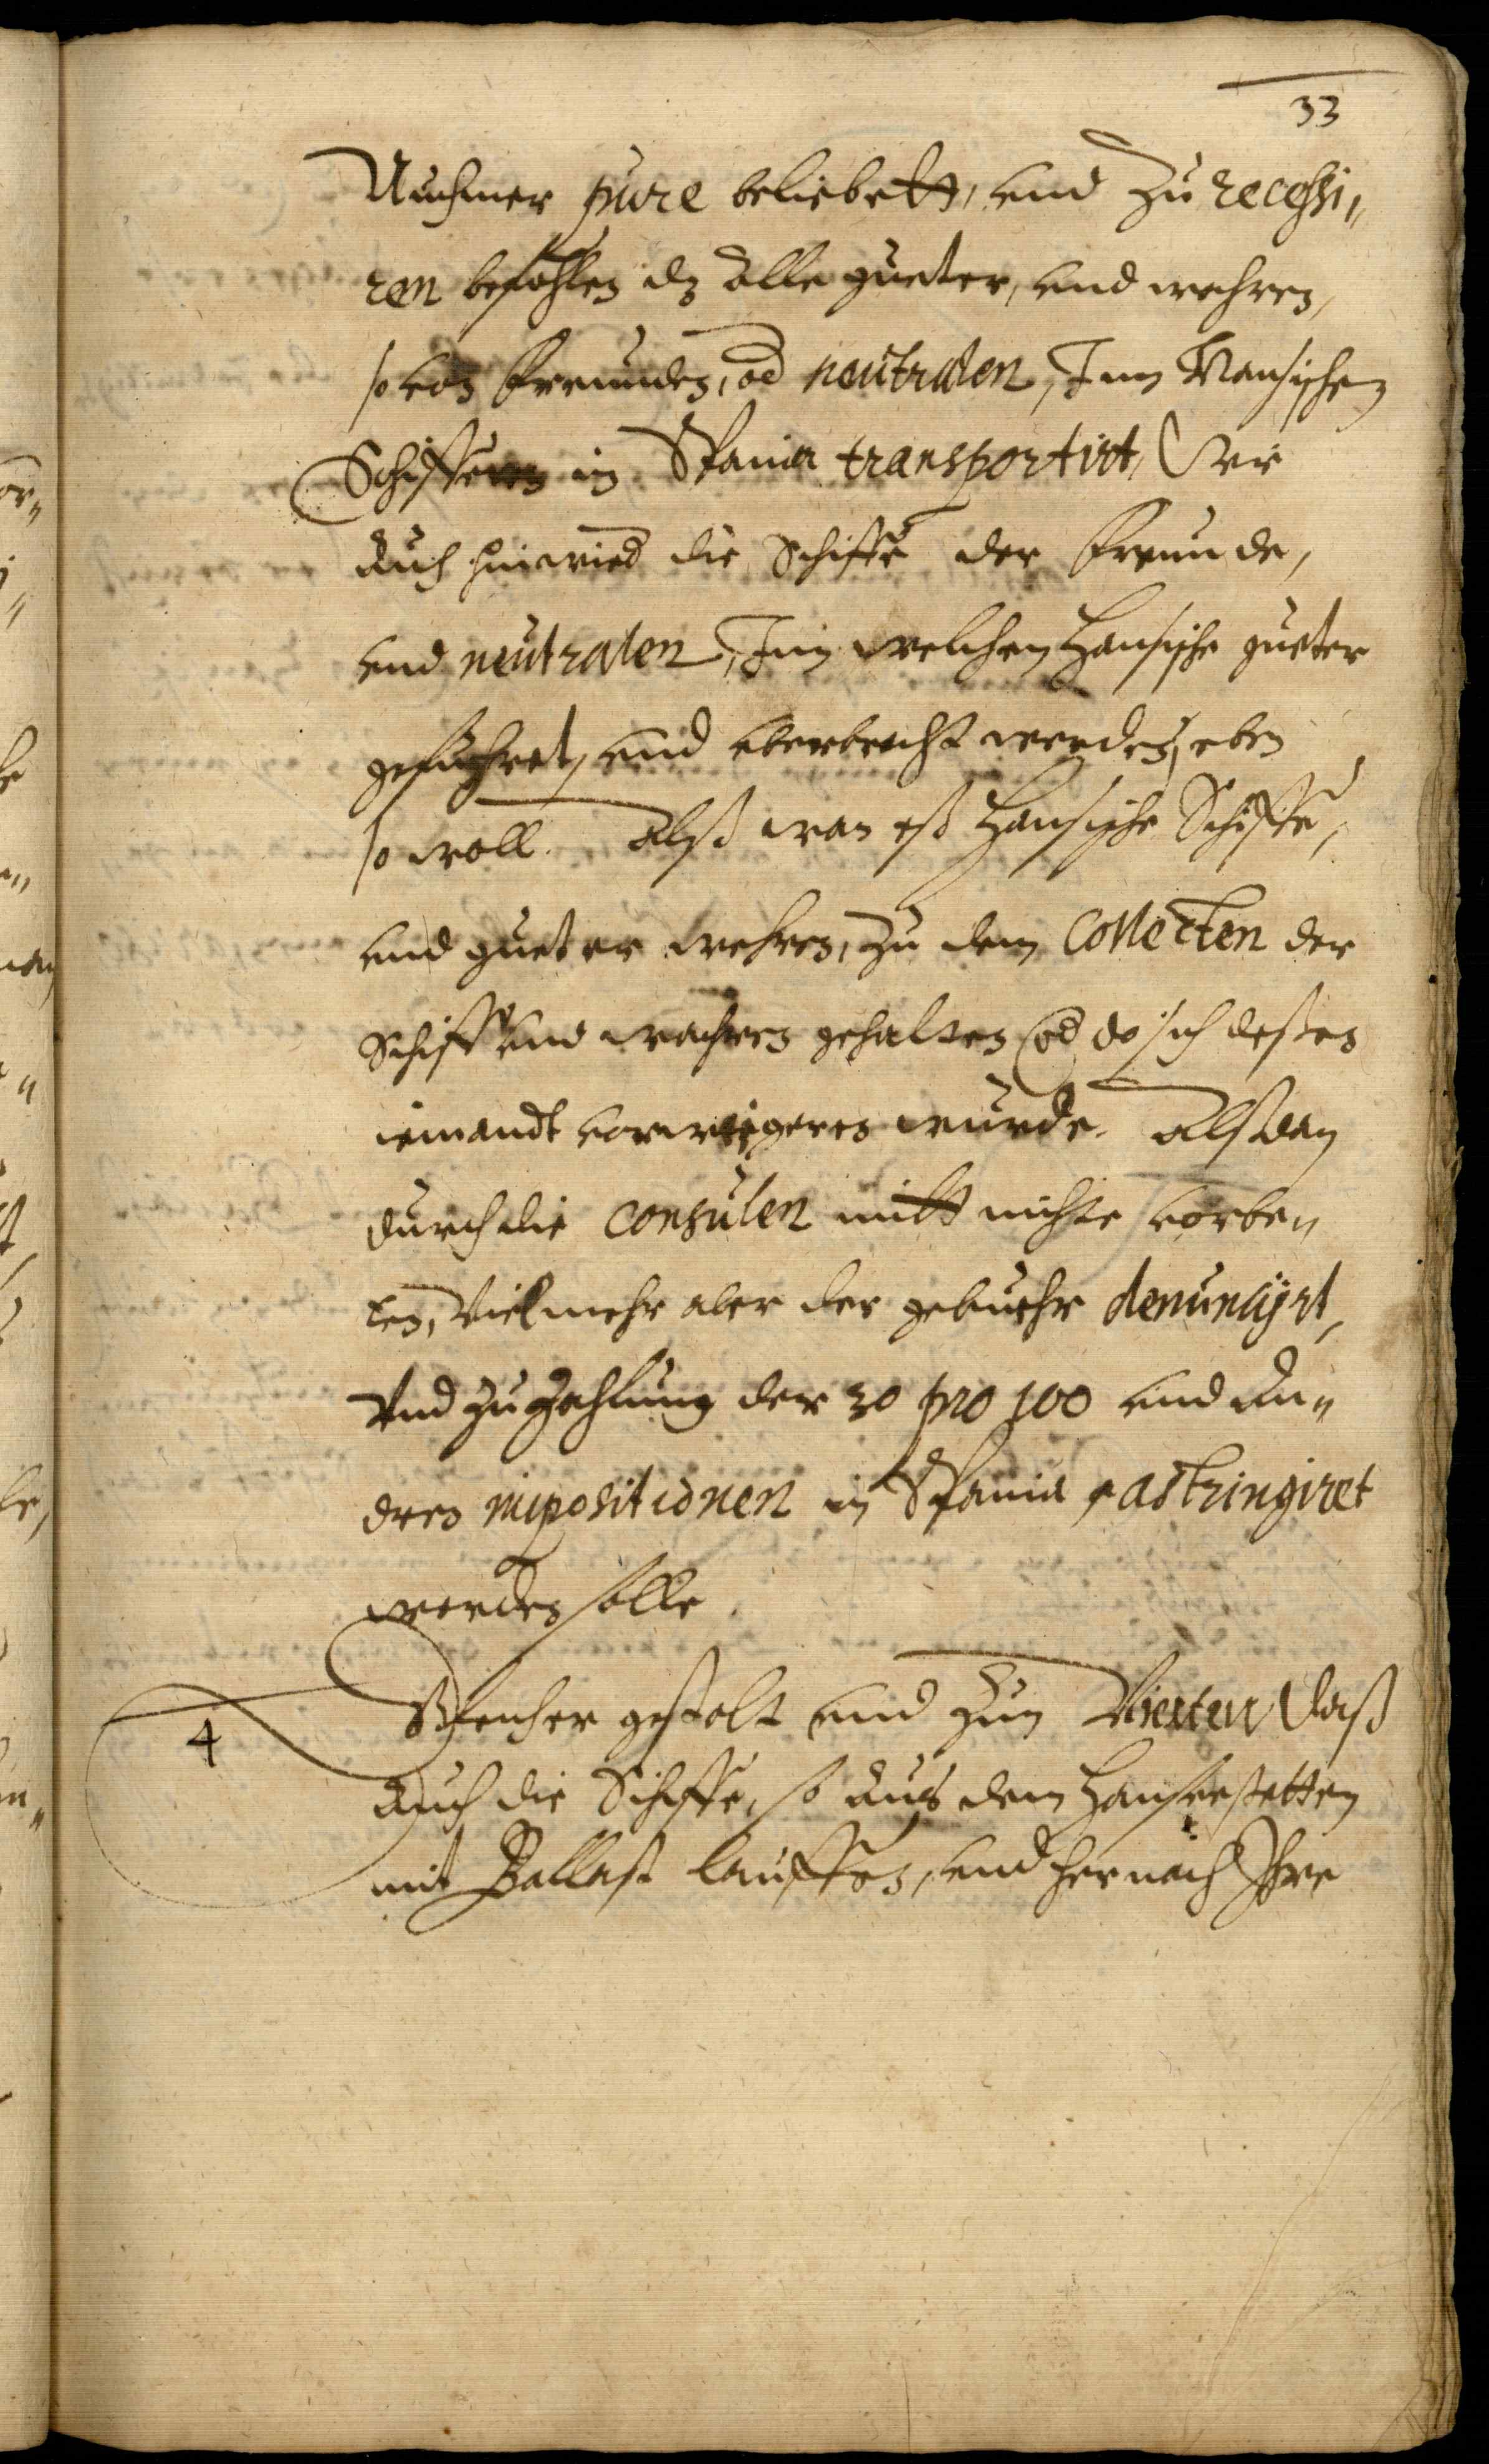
33
Nuhmer pure beliebett, vnd zu recessi¬
ren befohlen das alle gueter, vnd wahren
so von freunden, oder neutralen, Inn Hansischen
Schiffern in Spania transportirt, Wie
Auch hinwieder die Schiffe der Freunde,
vnd neutralen, Inn welchen Hansische gueter
gefuhret, vnd vberbverbracht werden, eben
so woll Alß was eß Hansische Schiffe,
vnd gueter wehren, zu dem Collecten der
Schiffer vnd wahren gehalten oder do sich deßen
niemandt vorweigeren wurde. Alßdan
durch ehr consulen mitt nichte vorbe¬
ten, Vielmehr aber der gebuhr denuncijrt,
vnd zu zahlung der 30 pro 100 vnd An¬
dren impositionen in Spania p astringiret
werden solle.
Gleicher gestalt vnd zum Vierten daß
Auch die Schiffe, so Aus den Hanseestetten
mit Ballast lauffen, vnd hernach Ihre
4
